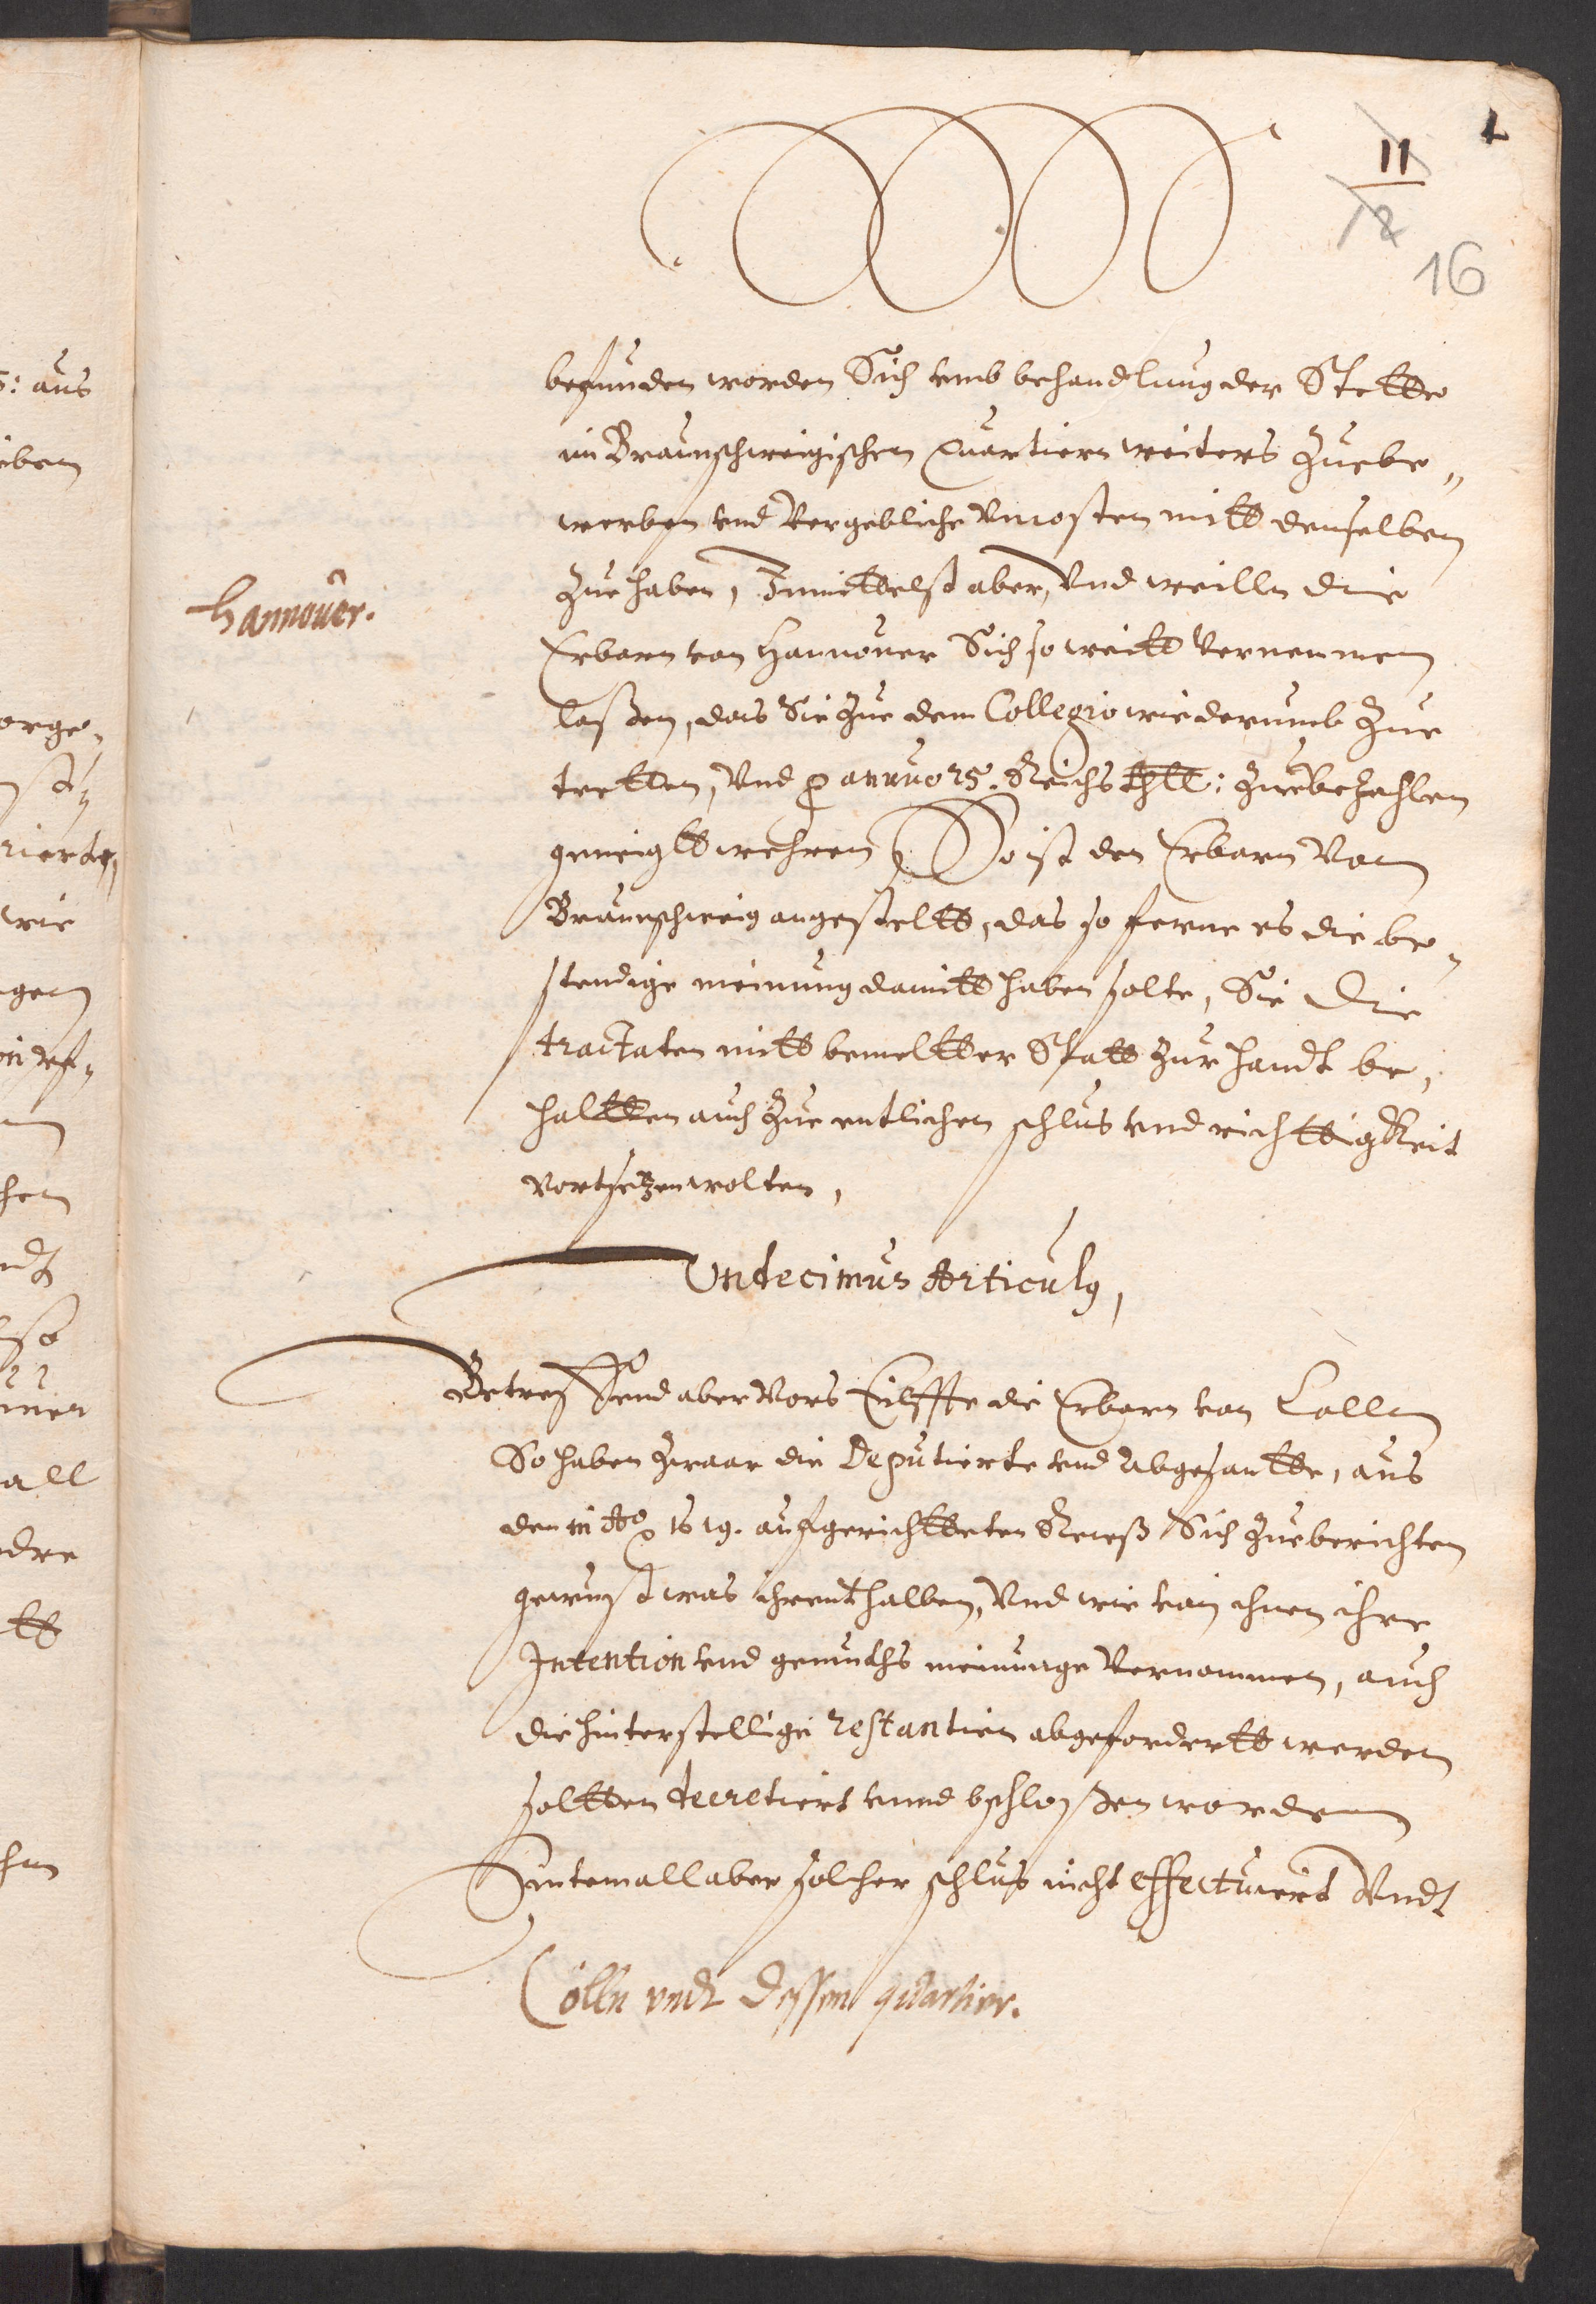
11
befunden worden Sich vmb behandlung der Stette
im Braunschweigischen Quartiern weiters zuebe¬
werben vnd Vergebliche vncosten mitt denselben
zue haben, Inmittelst aber, Vnd weilln die
Erbarn von Hannouer Sich so weitt vernemmen
laßen, das Sie zue dem Collegio wiederumb zue
tretten, vnd pro annuo 15. Rechsthll: zuebezahlen
geneigtt wehren So ist den Erbarn von
Braunschweig angesteltt, das so ferne es die be¬
stendige meinung damitt haben solte, Sie die
tractaten mitt bemeltter Statt zur handt be¬
haltten auch zue entlichen schlus vnd richttigkeit
vortsetzen wolten,
Undecimus Articulus,
Betreffend aber vors Elffte die Erbarn von Colln
So haben zwaar die Deputierte vnd Abgesantte, aus
den in Anno p 1619. aufgerichtteten Receß Sich zueberichten
gewust was ihrenthalben, vnd wie von ihnen ihre
Jntention vnd gemuths meinunge vernommen, auch
die hinterstellige restantien abgefordertt werden
soltten decretiert vnnd bschloßen worden
Sintemall aber solcher schlus nicht effectuiert Vndt
Hannouer.
Cölln vnd dessen quartier.
